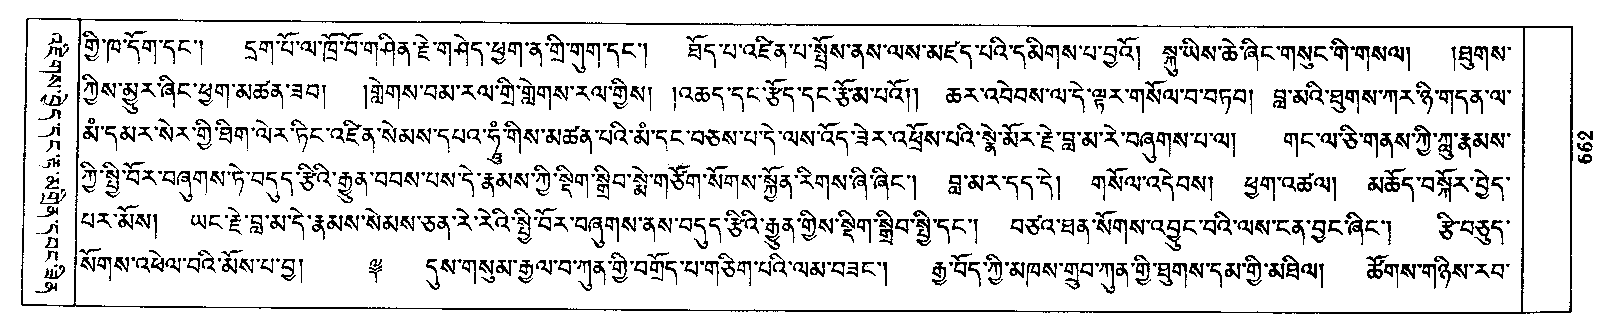གྱི་ཁ་དོག་དང་། དྲག་པོ་ལ་ཁྲོ་བོ་གཤིན་རྗེ་གཤེད་ཕྱག་ན་གྲི་གུག་དང་། ཐོད་པ་འཛིན་པ་སྤྲོས་ནས་ལས་མཛད་པའི་དམིགས་པ་བྱའོ། སྐུ་ཡིས་ཆེ་ཞིང་གསུང་གི་གསལ། །ཐུགས་
ཀྱིས་མྱུར་ཞིང་ཕྱག་མཚན་ཟབ། །གླེགས་བམ་རལ་གྲི་གླེགས་རལ་གྱིས། །འཆད་དང་རྩོད་དང་རྩོམ་པའོ།། ཆར་འབེབས་ལ་དེ་ལྟར་གསོལ་བ་བཏབ། བླ་མའི་ཐུགས་ཀར་ཉི་གདན་ལ་
མཾ་དམར་སེར་གྱི་ཐིག་ལེར་ཏིང་འཛིན་སེམས་དཔའ་ཧཱུཾ་གིས་མཚན་པའི་མཾ་དང་བཅས་པ་དེ་ལས་འོད་ཟེར་འཕྲོས་པའི་སྣེ་མོར་རྗེ་བླ་མ་རེ་བཞུགས་པ་ལ། གང་ལ་ཅི་གནས་ཀྱི་ཀླུ་རྣམས་
ཀྱི་སྤྱི་བོར་བཞུགས་ཏེ་བདུད་རྩིའི་རྒྱུན་བབས་པས་དེ་རྣམས་ཀྱི་སྡིག་སྒྲིབ་སྨེ་གཙོག་སོགས་སྐྱོན་རིགས་ཞི་ཞིང་། བླ་མར་དད་དེ། གསོལ་འདེབས། ཕྱག་འཚལ། མཆོད་བསྐོར་བྱེད་
པར་མོས། ཡང་རྗེ་བླ་མ་དེ་རྣམས་སེམས་ཅན་རེ་རེའི་སྤྱི་བོར་བཞུགས་ནས་བདུད་རྩིའི་རྒྱུན་གྱིས་སྡིག་སྒྲིབ་སྤྱི་དང་། བཙའ་ཐན་སོགས་འབྱུང་བའི་ལས་ངན་བྱང་ཞིང་། རྩི་བཅུད་
སོགས་འཕེལ་བའི་མོས་པ་བྱ། ༈ དུས་གསུམ་རྒྱལ་བ་ཀུན་གྱི་བགྲོད་པ་གཅིག་པའི་ལམ་བཟང་། རྒྱ་བོད་ཀྱི་མཁས་གྲུབ་ཀུན་གྱི་ཐུགས་དམ་གྱི་མཐིལ། ཚོགས་གཉིས་རབ་